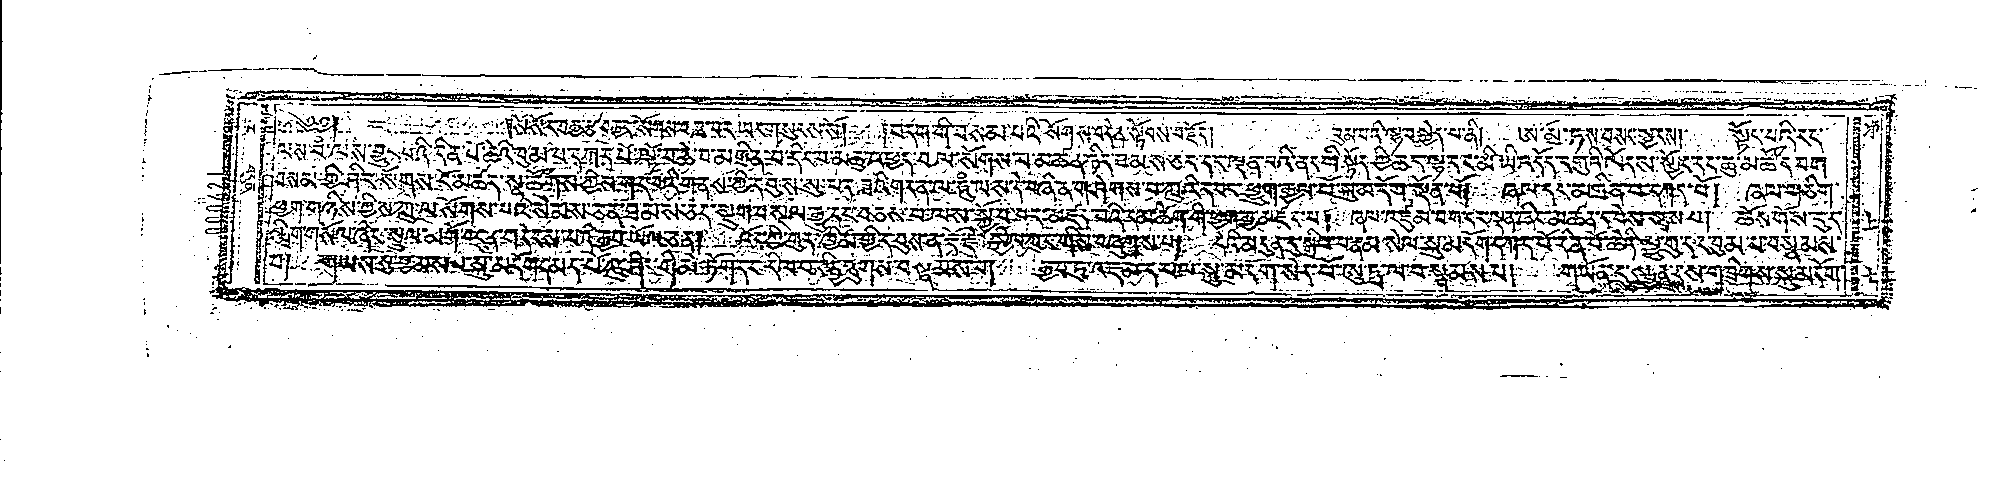༄༅། །སོ་སོར་བརྒྱ་རྩ་བརྒྱད་སོགས་བཟླ་བར་ཡང་གསུངས་སོ། །བདག་གི་བསམ་པའི་སོགས་བདེན་སྟོབས་བརྗོད། བུམ་པའི་ལྷ་བསྐྱེད་པ་ནི། ཨ་མྲྀ་ཏས་བསང་སྦྱངས། སྟོང་པའི་ངད་
ལས་བཾ་ལས་བྱུང་བའི་རིན་པོ་ཆེའི་བུམ་པ་དཀར་པོ་ལྟོ་བ་ཆེ་བ་མགྲིན་པ་རིང་པ་མཆུ་འཕྱང་བ་ལ་སོགས་པ་མཚན་ཉིད་ཐམས་ཅད་དང་ལྡན་པའི་ནང་གི་སྟོད་ཀྱི་ཆད་ལྷ་དང་མི་ཡི་འདོད་དགུའི་ལོངས་སྤྱོད་དང་ཆུ་མཚོ་དཔག་
བསམ་གྱི་ཤིང་སོགས་ངོ་མཚར་སྣ་ཚོགས་ཀྱིས་གང་བའི་གནས་ཀྱི་དབུས་སུ་པར་ཟླའི་གདན་ལ་ཧཱུཾ་ལས་དེ་བཞིན་གཤེགས་པ་ཀླུའི་དབང་ཕྱུག་རྒྱལ་པོ་སྐུ་མདོག་སྔོན་པོ། ཞལ་དང་མགྲིན་པ་དཀར་པོ། ཞལ་གཅིག་
ཕྱག་གཉིས་ཀྱིས་ཀླུ་ལ་སོགས་པའི་སེམས་ཅན་ཐམས་ཅད་སྡུག་བསྔལ་རྒྱུ་དང་བཅས་པ་ལས་སྐྱོབ་པར་མཛད་པའི་དམ་ཚིག་གི་ཕྱག་རྒྱ་མཛད་པ། ཞལ་འཛུམ་བག་དང་ལྡན་ཞིང་མཚན་དཔེས་སྤྲས་པ། ཆོས་གོས་དུར་
སྨྲིག་གསོལ་ཞིང་སྤྲུལ་མགོ་བདུན་གདེངས་པའི་རྒྱབ་ཡོལ་ཅན། འོད་ཀྱི་གུར་ཁྱིམ་གྱི་དབུས་ན་རྡོ་རྗེ་སྐྱིལ་ཀྲུང་གིས་བཞུགས་པ། དེའི་མདུན་དུ་སྒྲིབ་པ་རྣམ་སེལ་སྐུ་མདོག་དཀར་པོ་རིན་པོ་ཆེའི་མྱུ་གུ་དང་བུམ་པ་བསྣམས་
པ། གཡས་སུ་བྱམས་པ་སྐུ་མདོག་དམར་པོ་ཀླུ་ཤིང་གི་མེ་ཏོག་དང་རིལ་བ་སྤྱི་བླུགས་བསྣམས་པ། རྒྱབ་ཏུ་འཇམ་དཔལ་སྐུ་མདོག་སེར་པོ་ཨུཏྤ་ལ་བསྣམས་པ། གཡོན་དུ་སྤྱན་རས་གཟིགས་སྐུ་མདོག་